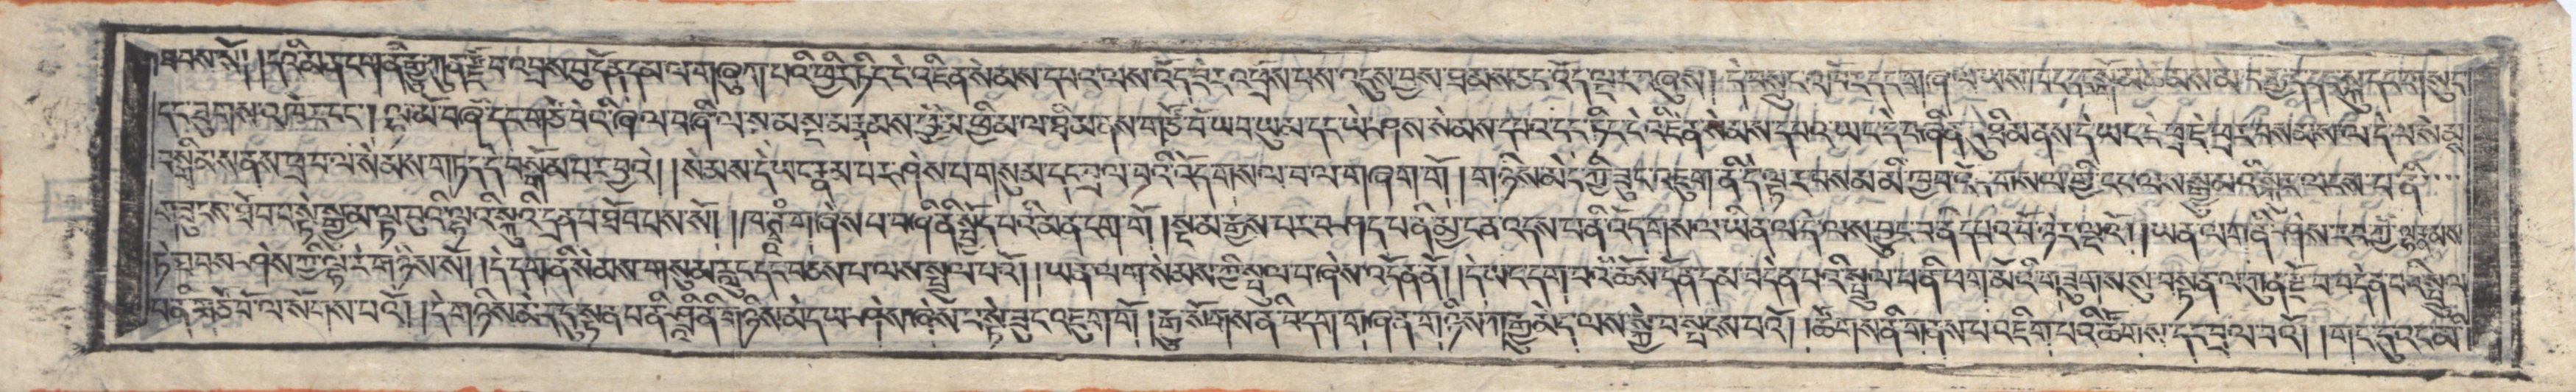ཐབས་སོ། །དེའི་མན་ངག་ནི་རྒྱུ་ཀུན་རྫོབ་འབྲས་བུ་དོན་དམ་ལ་གཞུག་པའི་ཕྱིར་ཏིང་ངེ་འཛིན་སེམས་དཔའ་ལས་འོད་ཟེར་འཕྲོས་པས་འདུས་བྱས་ཐམས་ཅད་འོད་ལྔར་བཞུས། དེ་བསྲུང་འཁོར་དང་གཞལ་ཡས་ཁང་དང་སྒོ་མཚམས་མ་བརྒྱད་དང་སྐུ་དང་གསུང་དང་ཐུགས་འཁོར་དང་། ལྷ་མོ་བཞི་དང་གཙོ་བོའི་ཞལ་བཞི་ལ་སྔ་མ་སྔ་མ་རྣམས་ཕྱི་མ་ཕྱི་མ་ལ་ཐིམ་ནས་གཙོ་བོ་ཡབ་ཡུམ་དང་ཡེ་ཤེས་སེམས་དཔའ་དང་ཏིང་ངེ་འཛིན་སེམས་དཔའ་ཡང་དེ་བཞིན་དུ་ཐིམ་ནས་དེ་ཡང་ཇེ་ཕྲ་ཇེ་ཕྲར་བསམས་ལ་དེ་ལ་སེམས་
བསྒྲིམས་ནས་ཕྲ་བ་ལ་སེམས་གཏད་དེ་བསྒོམ་པར་བྱའོ། །སེམས་དེ་ཡང་རྣམ་པར་ཤེས་པ་གསུམ་དང་བྲལ་བའི་འོད་གསལ་བ་ལ་གཞག་གོ །གཉིས་མེད་ཀྱི་ཟུང་འཇུག་ནི་དེ་ལྟར་བསམ་མི་ཁྱབ་འོད་གསལ་གྱི་ངང་ལས་སྒྱུ་མའི་སྐུར་ལངས་པ་ནི་
གཟུངས་ཐོབ་པ་སྟེ་སྒྱུ་མ་ལྟ་བུའི་ལྷའི་སྐུའི་དྲན་པ་ཐོབ་པས་སོ། །ཁ་ཊྭཱཾ་ག་ཞེས་པ་བཞི་ནི་སྤྱོད་པའི་མན་ངག་གོ །སྔ་མ་རྒྱས་པར་བཤད་པ་ནི་མྱ་ངན་འདས་པ་ནི་འོད་གསལ་ཡིན་ལ་དེ་ལས་བྱུང་བ་ནི་དཔའ་བོ་ཉེར་ལྔའོ། །ཡན་ལག་ནི་ཤེས་རབ་ཀྱི་ལྷ་རྣམས་
ཏེ་ཐབས་ཤེས་ཀྱི་ལྷ་རེ་གཉིས་སོ། །དེ་དག་ནི་སེམས་གསུམ་རླུང་དང་བཅས་པ་ལས་སྤྲུལ་པའོ། །ཡན་ལག་སེམས་ཀྱི་སྤྲུལ་པ་ཞེས་འདོན་ནོ། །དེ་ཡང་དག་པའི་ཆོས་དོན་དམ་བདེན་པའི་སྤྲུལ་པ་ནི་ཕག་མོའི་གཟུགས་སུ་བསྟན་ལ་ཀུན་རྫོབ་བདེན་པའི་སྤྲུལ་
པ་ནི་གཙོ་བོ་ལ་སོགས་པའོ། །དེ་གཉིས་མེད་དུ་སྟན་པ་ནི་ཤྲཱི་ནི་གཉིས་མེད་ཡེ་ཤེས་ཞེས་པ་སྟེ་ཟུང་འཇུག་གོ །རྒྱུ་སོགས་ནི་བདག་གཞན་གཉིས་ཀ་རྒྱུ་མེད་ལས་སྐྱེ་བ་སྤངས་པའོ། །ཚོགས་ནི་གནས་པ་འཇིག་པའི་ཚོགས་དང་བྲལ་བའོ། །གང་དུའང་མི་